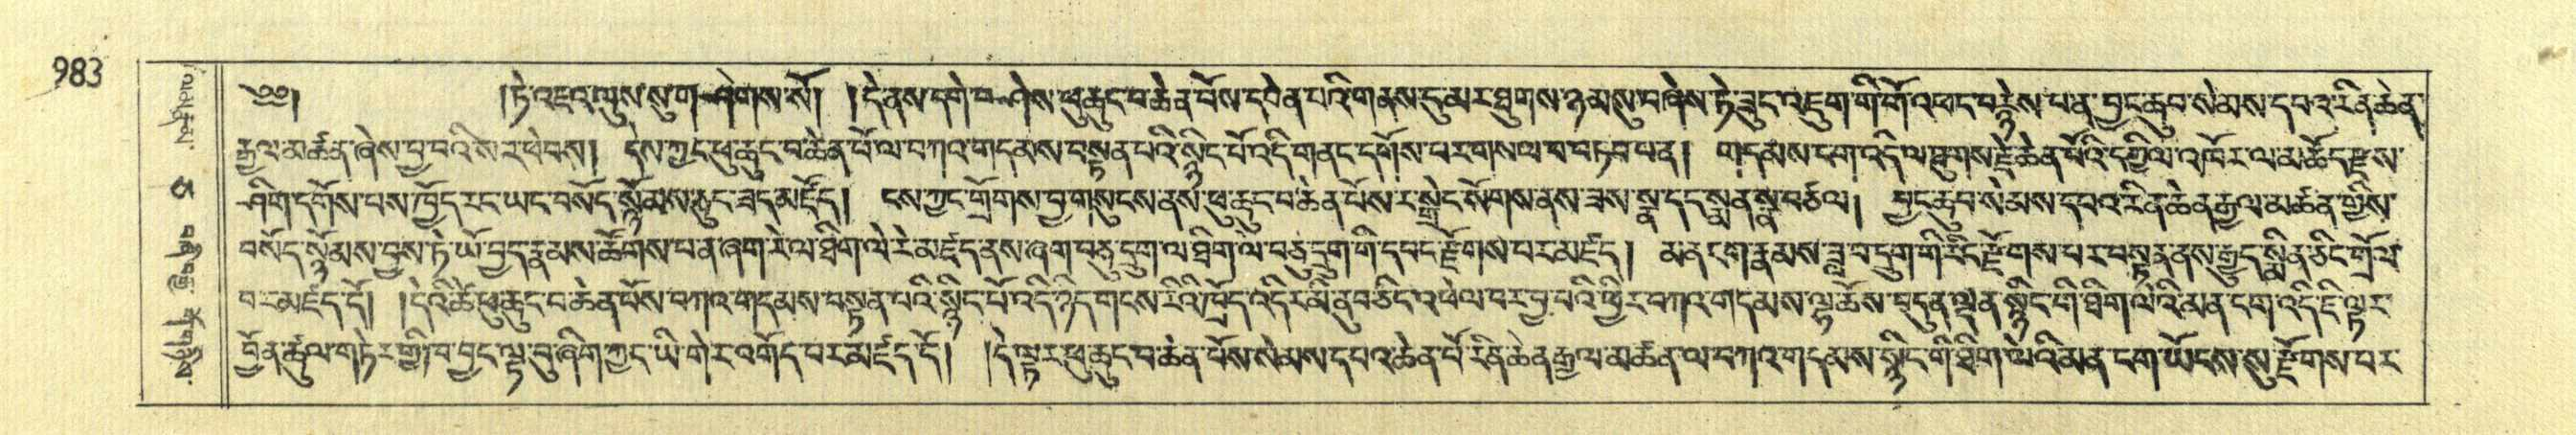༄༅། །ཏེ་འཇའ་ལུས་སུ་གཤེགས་སོ། །དེ་ནས་དགེ་བཤེས་ཕུ་ཆུང་བ་ཆེན་པོས་དབེན་པའི་གནས་དུ་མར་ཐུགས་ཉམ་སུ་བཞེས་ཏེ་ཟུང་འཇུག་གི་གོ་འཕང་བརྙེས་པ་ན་བྱང་ཆུབ་སེམས་དཔའ་རིན་ཆེན་
རྒྱལ་མཚན་ཞེས་བྱ་བའི་སར་ཕེབས། དེས་ཀྱང་ཕུ་ཆུང་བ་ཆེན་པོ་ལ་བཀའ་གདམས་བསྟན་པའི་སྙིང་པོ་འདི་གནང་དགོས་པར་གསལ་བ་བཏབ་པ་ན། གདམས་ངག་འདི་ལ་ཐུགས་རྗེ་ཆེན་པོའི་དཀྱིལ་འཁོར་ལ་མཆོད་རྫས་
ཤིག་དགོས་བས་ཁྱོད་རང་ཡང་བསོད་སྙོམས་ཅུང་ཟད་མཛོད། ངས་ཀྱང་གྲོགས་བྱ་གསུངས་ནས་ཕུ་ཆུང་བ་ཆེན་པོས་ར་སྒྲེང་སོགས་ནས་ཟས་སྣ་དང་སྨན་སྣ་བཙལ། བྱང་ཆུབ་སེམས་དཔའ་རིན་ཆེན་རྒྱལ་མཚན་གྱིས་
བསོད་སྙོམས་བྱས་ཏེ་ཡོ་བྱད་རྣམས་ཚོགས་བ་ན་ཞག་རེ་ལ་ཐིག་ལེ་རེ་མཛད་ནས་ཞག་བཅུ་དྲུག་ལ་ཐིག་ལེ་བཅུ་དྲུག་གི་དབང་རྫོགས་བར་མཛད། མན་ངག་རྣམས་ཟླ་བ་དྲུག་གི་རིང་རྫོགས་པར་བསྟན་ནས་རྒྱུད་སྨིན་ཅིང་གྲོལ་
བར་མཛད་དོ། །དེའི་ཚེ་ཕུ་ཆུང་པ་ཆེན་བོས་བཀའ་གདམས་བསྟན་པའི་སྙིང་པོ་འདི་ཉིད་གངས་རིའི་ཁྲོད་འདིར་མི་ནུབ་ཅིང་འཕེལ་བར་བྱ་པའི་ཕྱིར་བཀའ་གདམས་ལྷ་ཆོས་བདུན་ལྡན་སྙིང་གི་ཐིག་ལེའི་མན་ངག་འདི་ཇི་ལྟར་
བྱོན་ཚུལ་གཏེར་གྱི་ཁ་བྱང་ལྟ་བུ་ཞིག་ཀྱང་ཡི་གེར་འགོད་བར་མཛད་དོ། །དེ་ལྟར་ཕུ་ཆུང་བ་ཆེན་པོས་སེམས་དཔའ་ཆེན་པོ་རིན་ཆེན་རྒྱལ་མཚན་ལ་བཀའ་གདམས་སྙིང་གི་ཐིག་ལེའི་མན་ངག་ཡོངས་སུ་རྫོགས་བར་